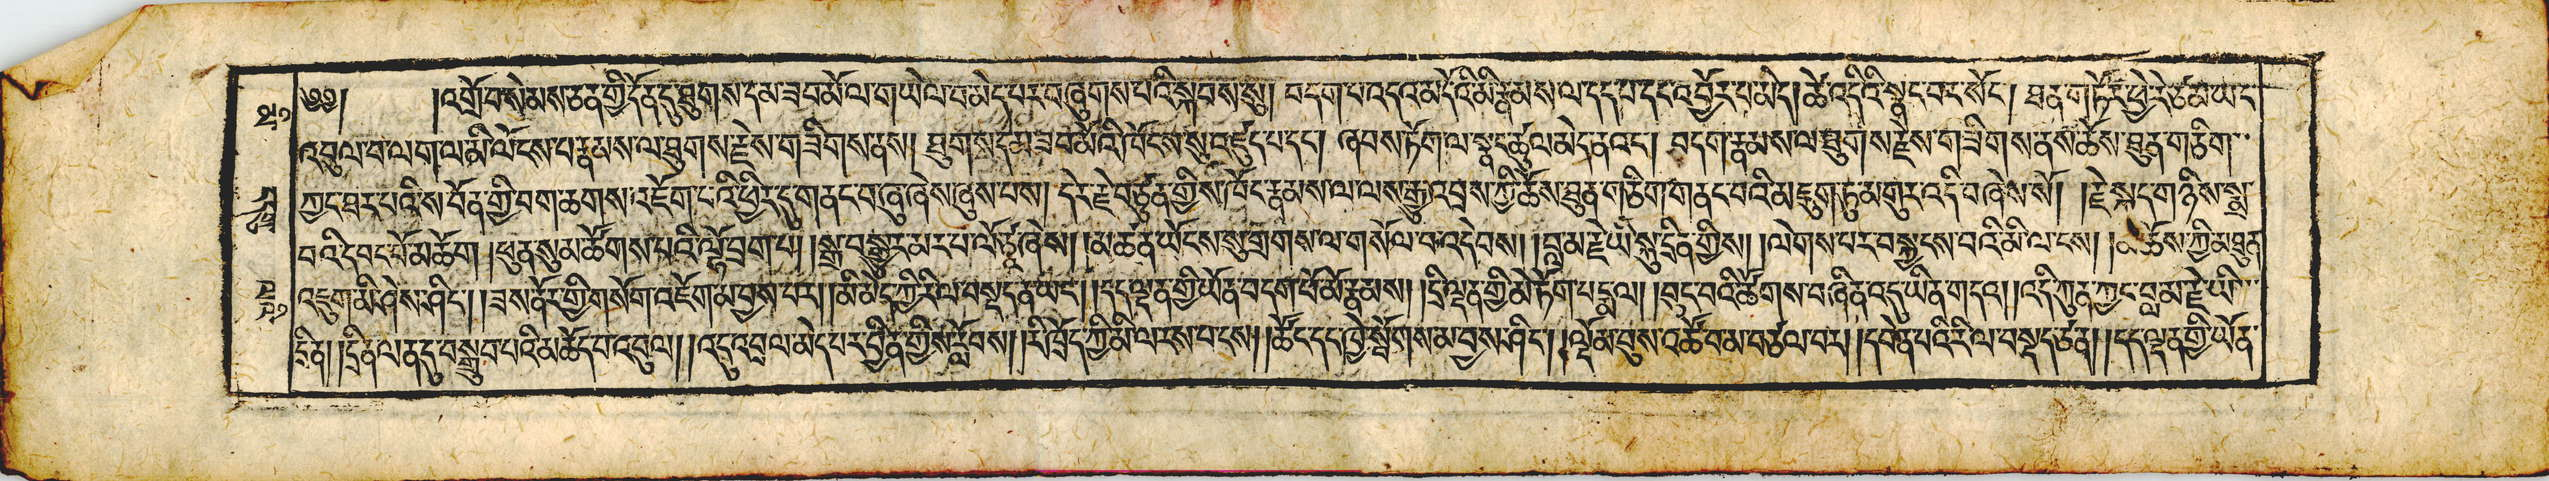འགྲོ་བ་སེམས་ཅན་གྱི་དོན་དུ་ཐུགས་དམ་ཟབ་མོ་ལ་གཡེལ་བ་མེད་པར་བཞུགས་པའི་སྐབས་སུ། བདག་པ་འདའ་མདོའི་མི་རྣམས་ལ་དད་པ་དང་འབྱོར་པ་མེད། ཚེ་འདིའི་སྣང་བར་སོང་། ཟན་གཏོར་ཕྱེ་རེ་ཙམ་ཡང་
འབུལ་བ་ལག་ལ་མི་ལོངས་བ་རྣམས་ལ་ཐུགས་རྗེས་གཟིགས་ནས། ཐུག་དམ་ཟབ་མོའི་ཁོངས་སུ་འཛུད་པ་དང། ཞབས་ཏོག་ལ་སྣང་ཚུལ་མེད་ནའང་། བདག་རྣམས་ལ་ཐུགས་རྗེས་གཟིགས་ནས་ཆོས་ཐུན་གཅིག་
ཀྱང་ཐར་པའི་ས་བོན་གྱི་བག་ཆགས་འཇོག་པའི་ཕྱིར་དུ་གནང་བར་ཞུ་ཞེས་ཞུས་པས། དེར་རྗེ་བཙུན་གྱིས་ཁོང་རྣམས་ལ་ལས་རྒྱུ་འབྲས་ཀྱི་ཆོས་ཐུན་གཅིག་གནང་བའི་མཇུག་ཏུ་མགུར་འདི་བཞེས་སོ། །རྗེ་སྐད་གཉིས་སྨྲ་
བའི་དབང་པོ་མཆོག །ཕུན་སུམ་ཚོགས་པའི་ལྷོ་བྲག་པ། །སྒྲ་བསྒྱུར་མར་པ་ལོ་ཙཱ་ཞེས། །མཚན་ཡོངས་སུ་གྲགས་ལ་གསོལ་བ་འདེབས། །བླ་མ་རྗེ་ཡི་སྐུ་དྲིན་གྱིས། །ལེགས་པར་བསྐྱངས་པའི་མི་ལ་ངས། །མི་ཆོས་ཀྱི་མཐུན་
འཇུག་མི་ཤེས་ཤིང་། །ཟས་ནོར་གྱི་གསོག་འཇོག་མ་བྱས་པར། །མི་མེད་ཀྱི་རི་ལ་བསྡད་ན་ཡང་། །དད་ལྡན་གྱི་ཡོན་བདག་ཕོ་མོ་རྣམས། །དྲི་ལྡན་གྱི་མེ་ཏོག་པདྨ་ལ། །བུང་བའི་ཚོགས་བཞིན་འདུ་ཡིན་གདའ། །འདི་ཀུན་ཀྱང་བླ་མ་རྗེ་ཡི་
དྲིན། །དྲིན་ལན་དུ་བསྒྲུབ་པའི་མཆོད་པ་འབུལ། །འདུ་འབྲལ་མེད་པར་བྱིན་གྱིས་རློབས། །རི་ཁྲོད་ཀྱི་མི་ལ་རས་པ་ངས། །ཚོང་དང་ཁེ་སྤོགས་མ་བྱས་ཤིང་། ལྡོམ་བུས་འཚོ་བ་མ་བཙལ་བར། །དབེན་པའི་རི་ལ་བསྡད་ཙ་ན། །དད་ལྡན་གྱི་ཡོན་